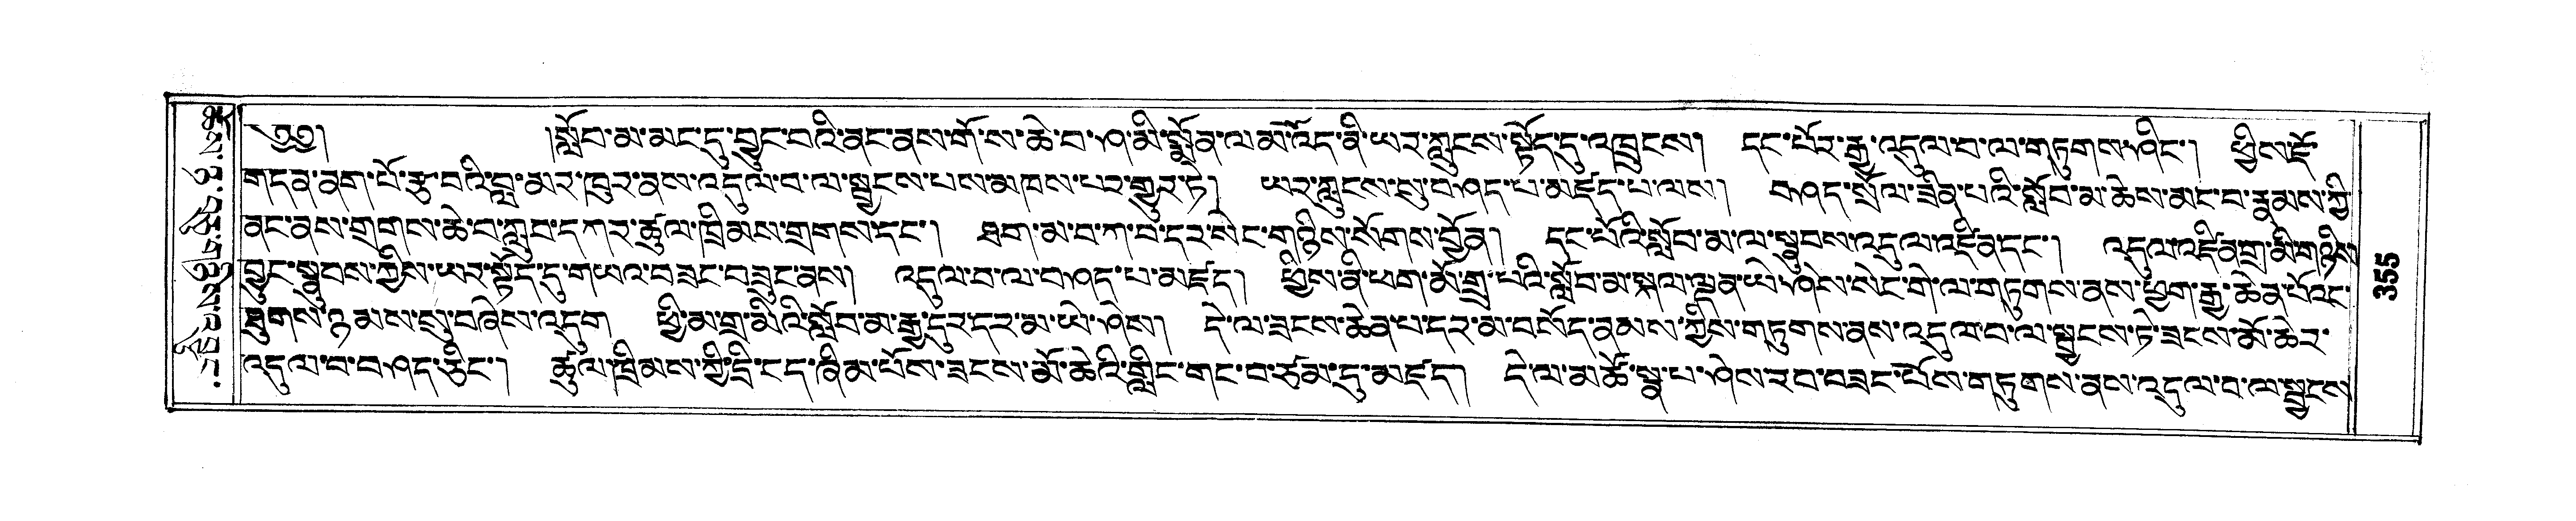༄༅། །སློབ་མ་མང་དུ་བྱུང་བའི་ནང་ནས་གོ་ས་ཆེ་བ་ཤ་མི་སྨོན་ལམ་འོད་ནི་ཡར་ཀླུངས་སྟོད་དུ་འཁྲུངས། དང་པོར་རྒྱ་འདུལ་བ་ལ་གཏུགས་ཤིང་། ཕྱིས་ཇོ་
གདན་ནག་པོ་རྩ་བའི་བླ་མར་ཁུར་ནས་འདུལ་བ་ལ་སྦྱངས་པས་མཁས་པར་གྱུར་ཏེ། ཡར་ཀླུངས་སུ་བཤད་པ་མཛད་པ་ལས། བཤད་སྲོལ་ཟིན་པའི་སློབ་མ་ཆེས་མང་བ་རྣམས་ཀྱི་
ནང་ནས་གྲགས་ཆེ་བ་ཀླུབ་དཀར་ཚུལ་ཁྲིམས་གྲགས་དང་། ཐག་མ་བ་ཀ་བ་དར་སེང་གཉིས་སོགས་བྱོན། དང་པོའི་སློབ་མ་ལ་སྣུབས་འདུལ་འཛིན་དང་། འདུལ་འཛིན་གྲ་མི་གཉིས་
བྱུང་སྣུབས་ཀྱིས་ཡར་སྟོད་དུ་གཡའ་བཟང་བཟུང་ནས། འདུལ་བ་ལ་བཤད་པ་མཛད། ཕྱིས་ནི་ཕག་མོ་གྲུ་པའི་སློབ་མ་སྐལ་ལྡན་ཡེ་ཤེས་སེང་གེ་ལ་གཏུགས་ནས་ཕྱག་རྒྱ་ཆེན་པོའང་
ཐུགས་ཉམས་སུ་བཞེས་འདུག་ཕྱི་མ་གྲ་མིའི་སློབ་མ་རྒྱ་དུར་དར་མ་ཡེ་ཤེས། དེ་ལ་ཟངས་ཆེན་པ་དར་མ་བསོད་ནམས་ཀྱིས་གཏུགས་ནས་འདུལ་བ་ལ་སྦྱངས་ཏེ་ཟངས་མོ་ཆེར་
འདུལ་བ་བཤད་ཅིང་། ཚུལ་ཁྲིམས་ཀྱི་དྲི་ངད་ཞིམ་པོས་ཟངས་མོ་ཆེའི་གླིང་གང་བ་ཙམ་དུ་མཛད། དེ་ལ་མཚོ་སྣ་པ་ཤེས་རབ་བཟང་པོས་གཏུགས་ནས་འདུལ་བ་ལ་སྦྱངས་